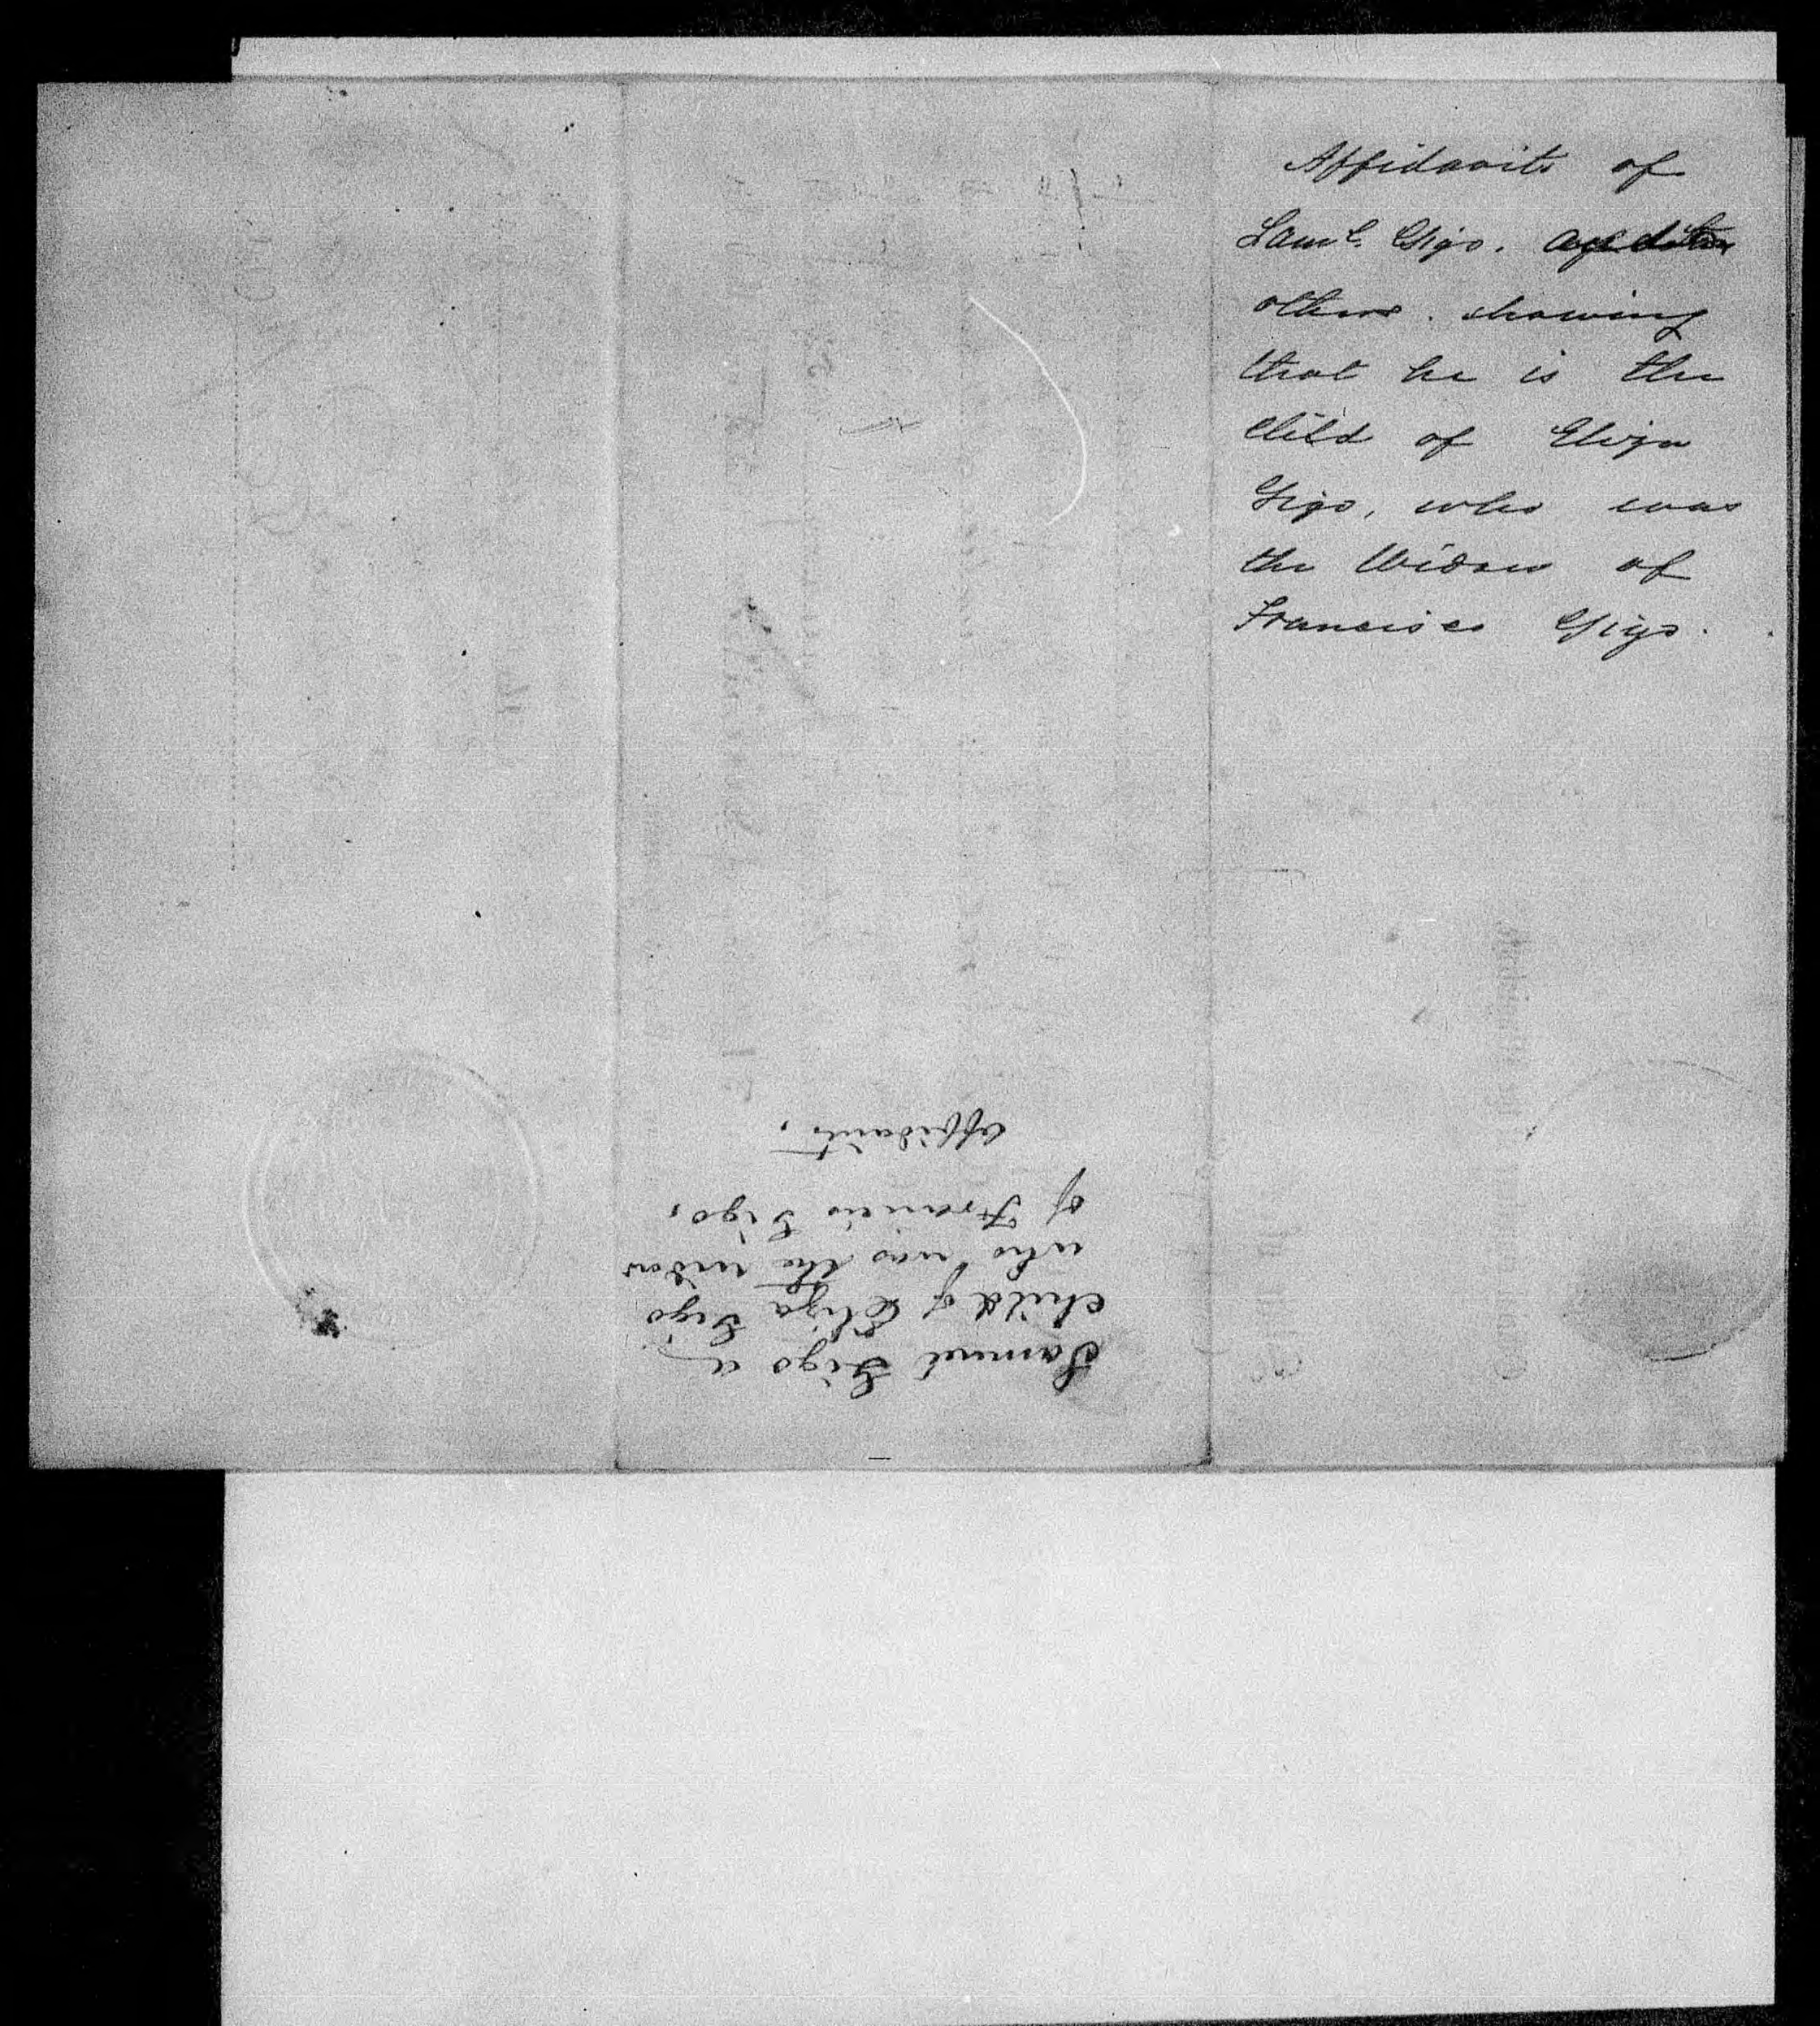Affidavit of Saml. Gigo [illegible] others, showing that he is the child of Eliza Gigo, who was the Widow of Francis Gigo.

Samuel Gigo a child of Eliza Gigo who was the widow of Francis Gigo
Affidavit.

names: Francis Gigo, Eliza Gigo, Francisco Gigo, Saml Gigo, Eliza Gigo, Samuel Gigo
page: 56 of 98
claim: widow's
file: W. 21182, Francis Gigo, Continental (Canadian)